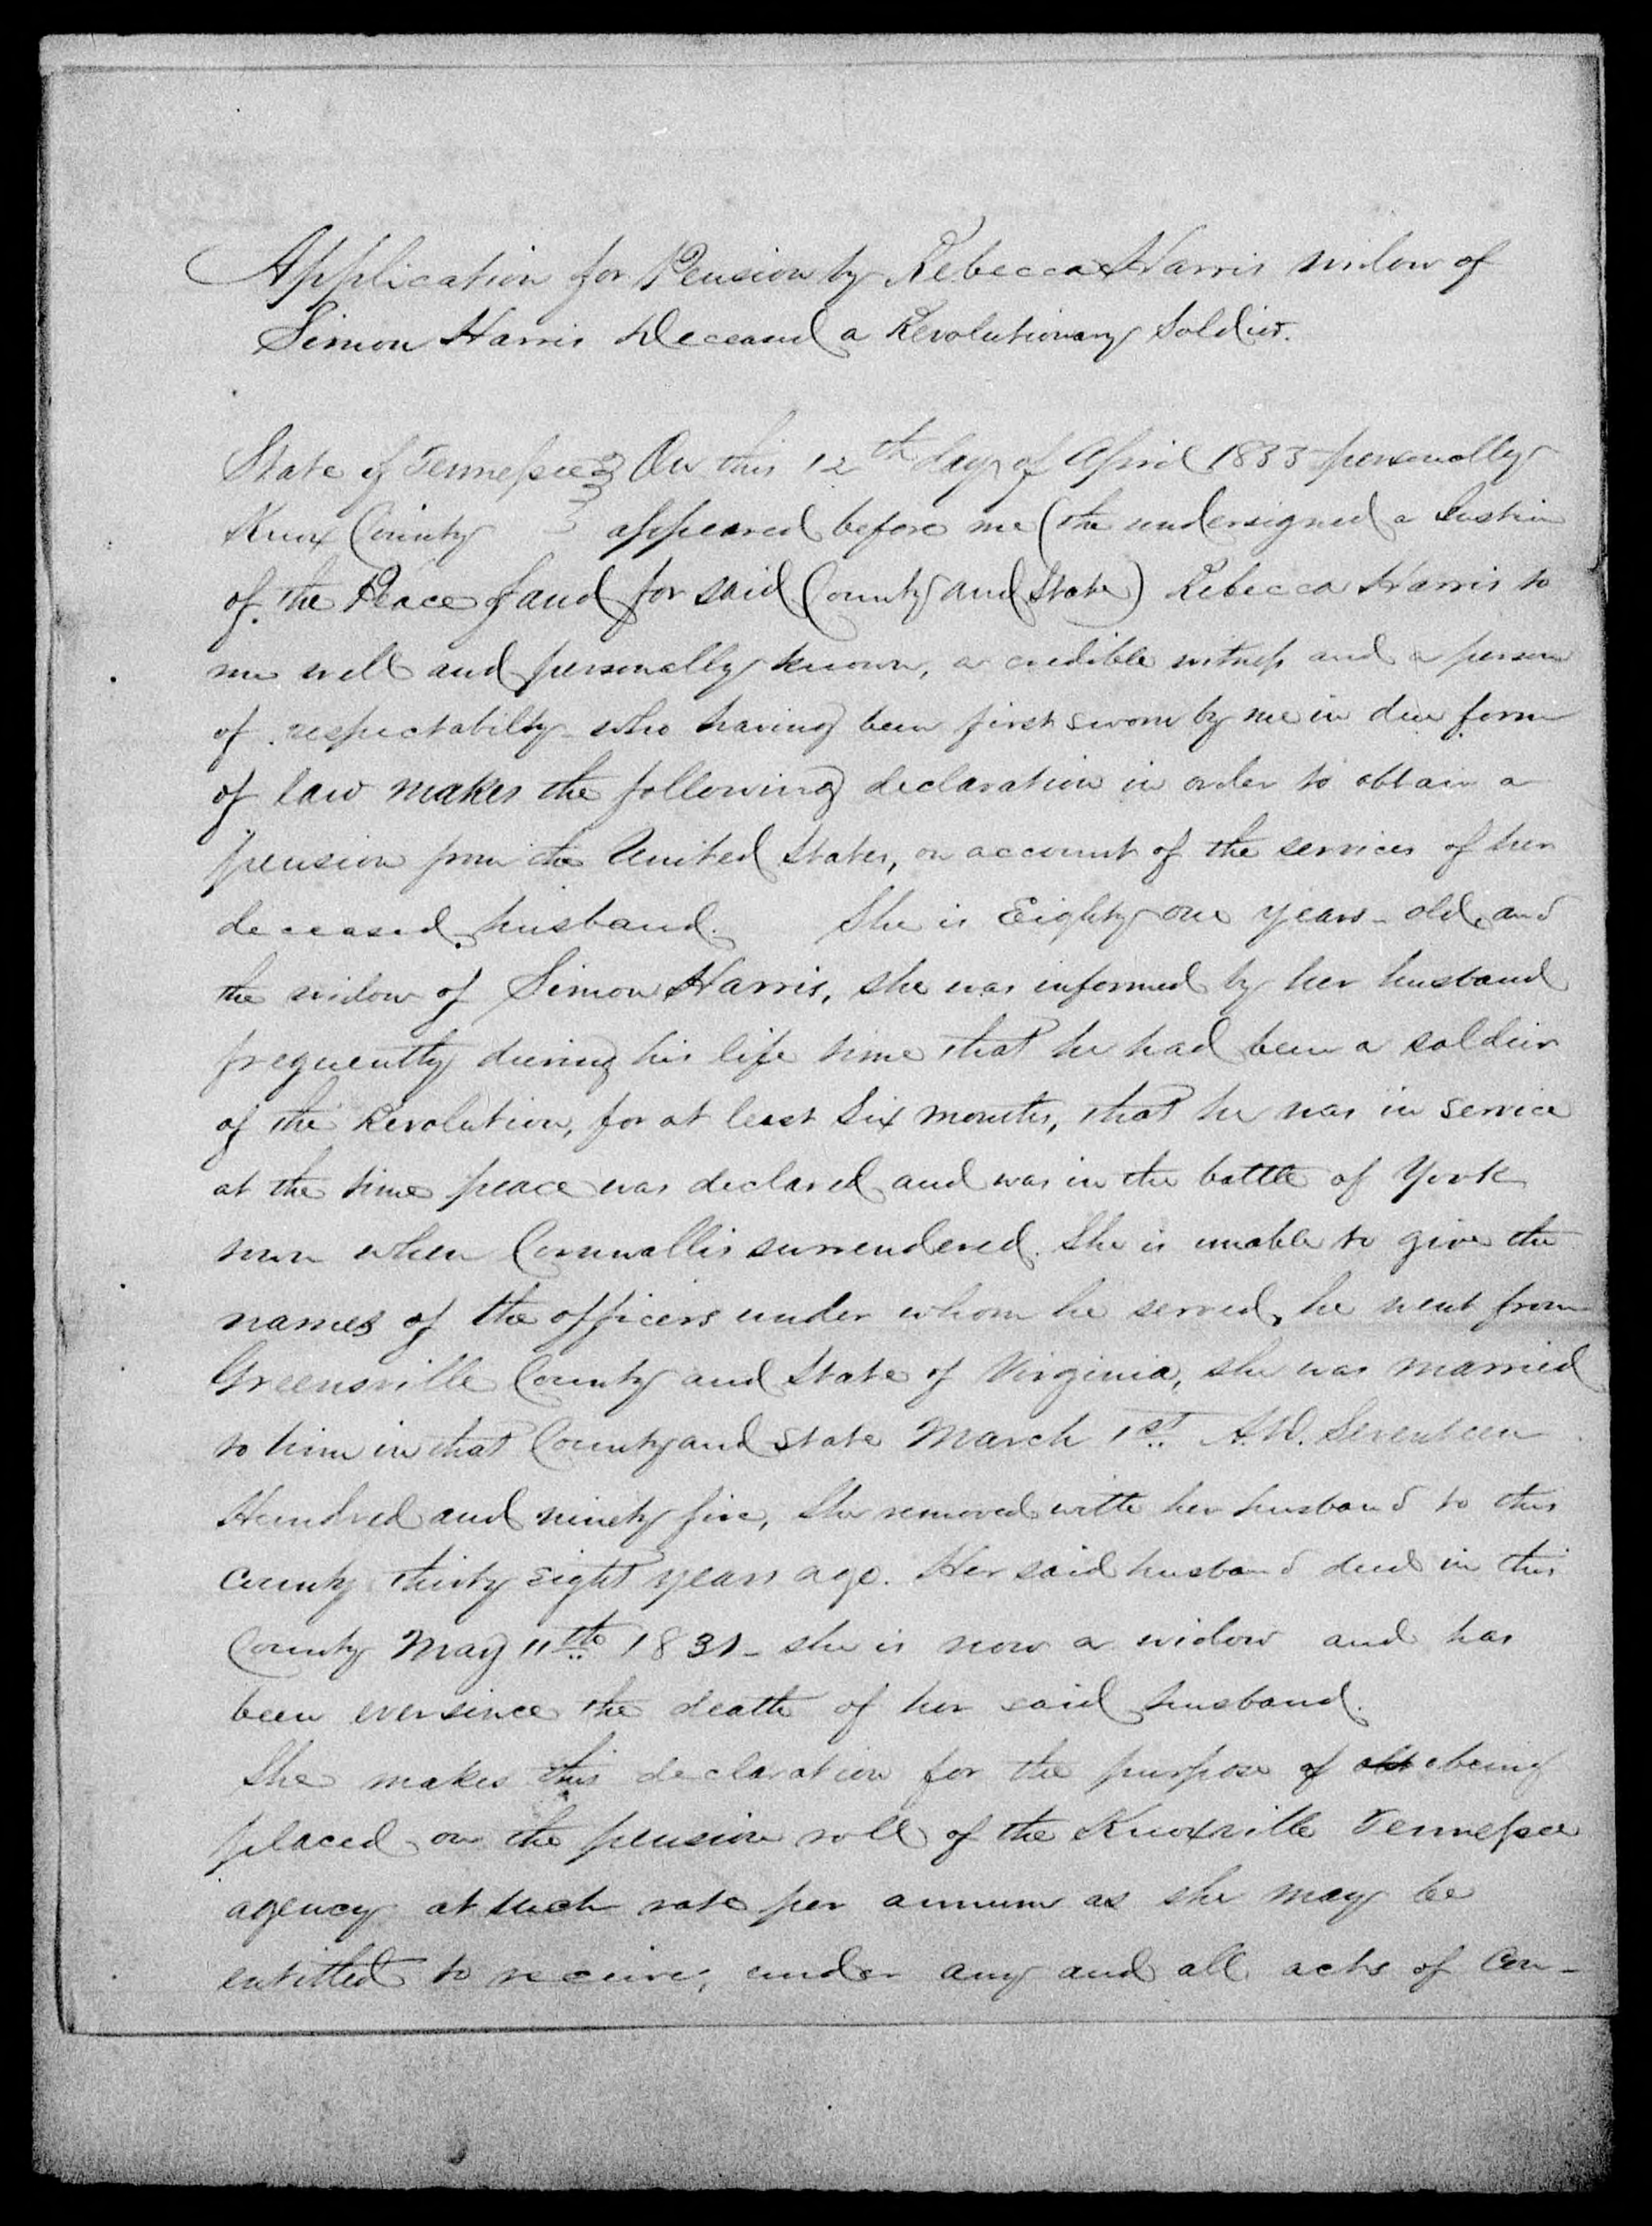Application for Pension by Rebecca Harris widow of Simon Harris Deceased a Revolutionary Soldier.

State of Tennessee | On this 12th day of April 1833 personally
Knox County             | appeared before me (the undersigned a Justice of the Peace of and for said County and State) Rebecca Harris to me well and personally known, a credible witnes [sic] and a person of respectability who having been first sworn by me in due form of law makes the following declaration in order to obtain a pension from the United States, on account of the services of her deceased husband. She is Eighty one years old and the widow of Simon Harris, she was informed by her husband frequently during his life time that he had been a soldier of the Revolution, for at least Six months, that he was in service at the time Peace was declared and was in the battle of York town when Cornwallis surrendered. She is unable to give the names of he officers under whom he served, he went from Greensville County and State of Virginia, she was married to him in that County and State March 1st A.D. Seventeen Hundred and ninety five. She removed with her husband to this County May 11th 1831 - she is now a widow and has been ever since the death of her said husband.
She makes this declaration for the purpose of ["obt" has been crossed out] being placed of the pension roll of the Knoxville Tennessee ageway at such rate per annum as she may be entitled, under any and all acts of Am-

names: Simon Harris, Simon Harris, Rebecca Harris, Cornwallis, Rebecca Harris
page: 4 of 24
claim: rejected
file: R. 4684, Simon Harris, Va.